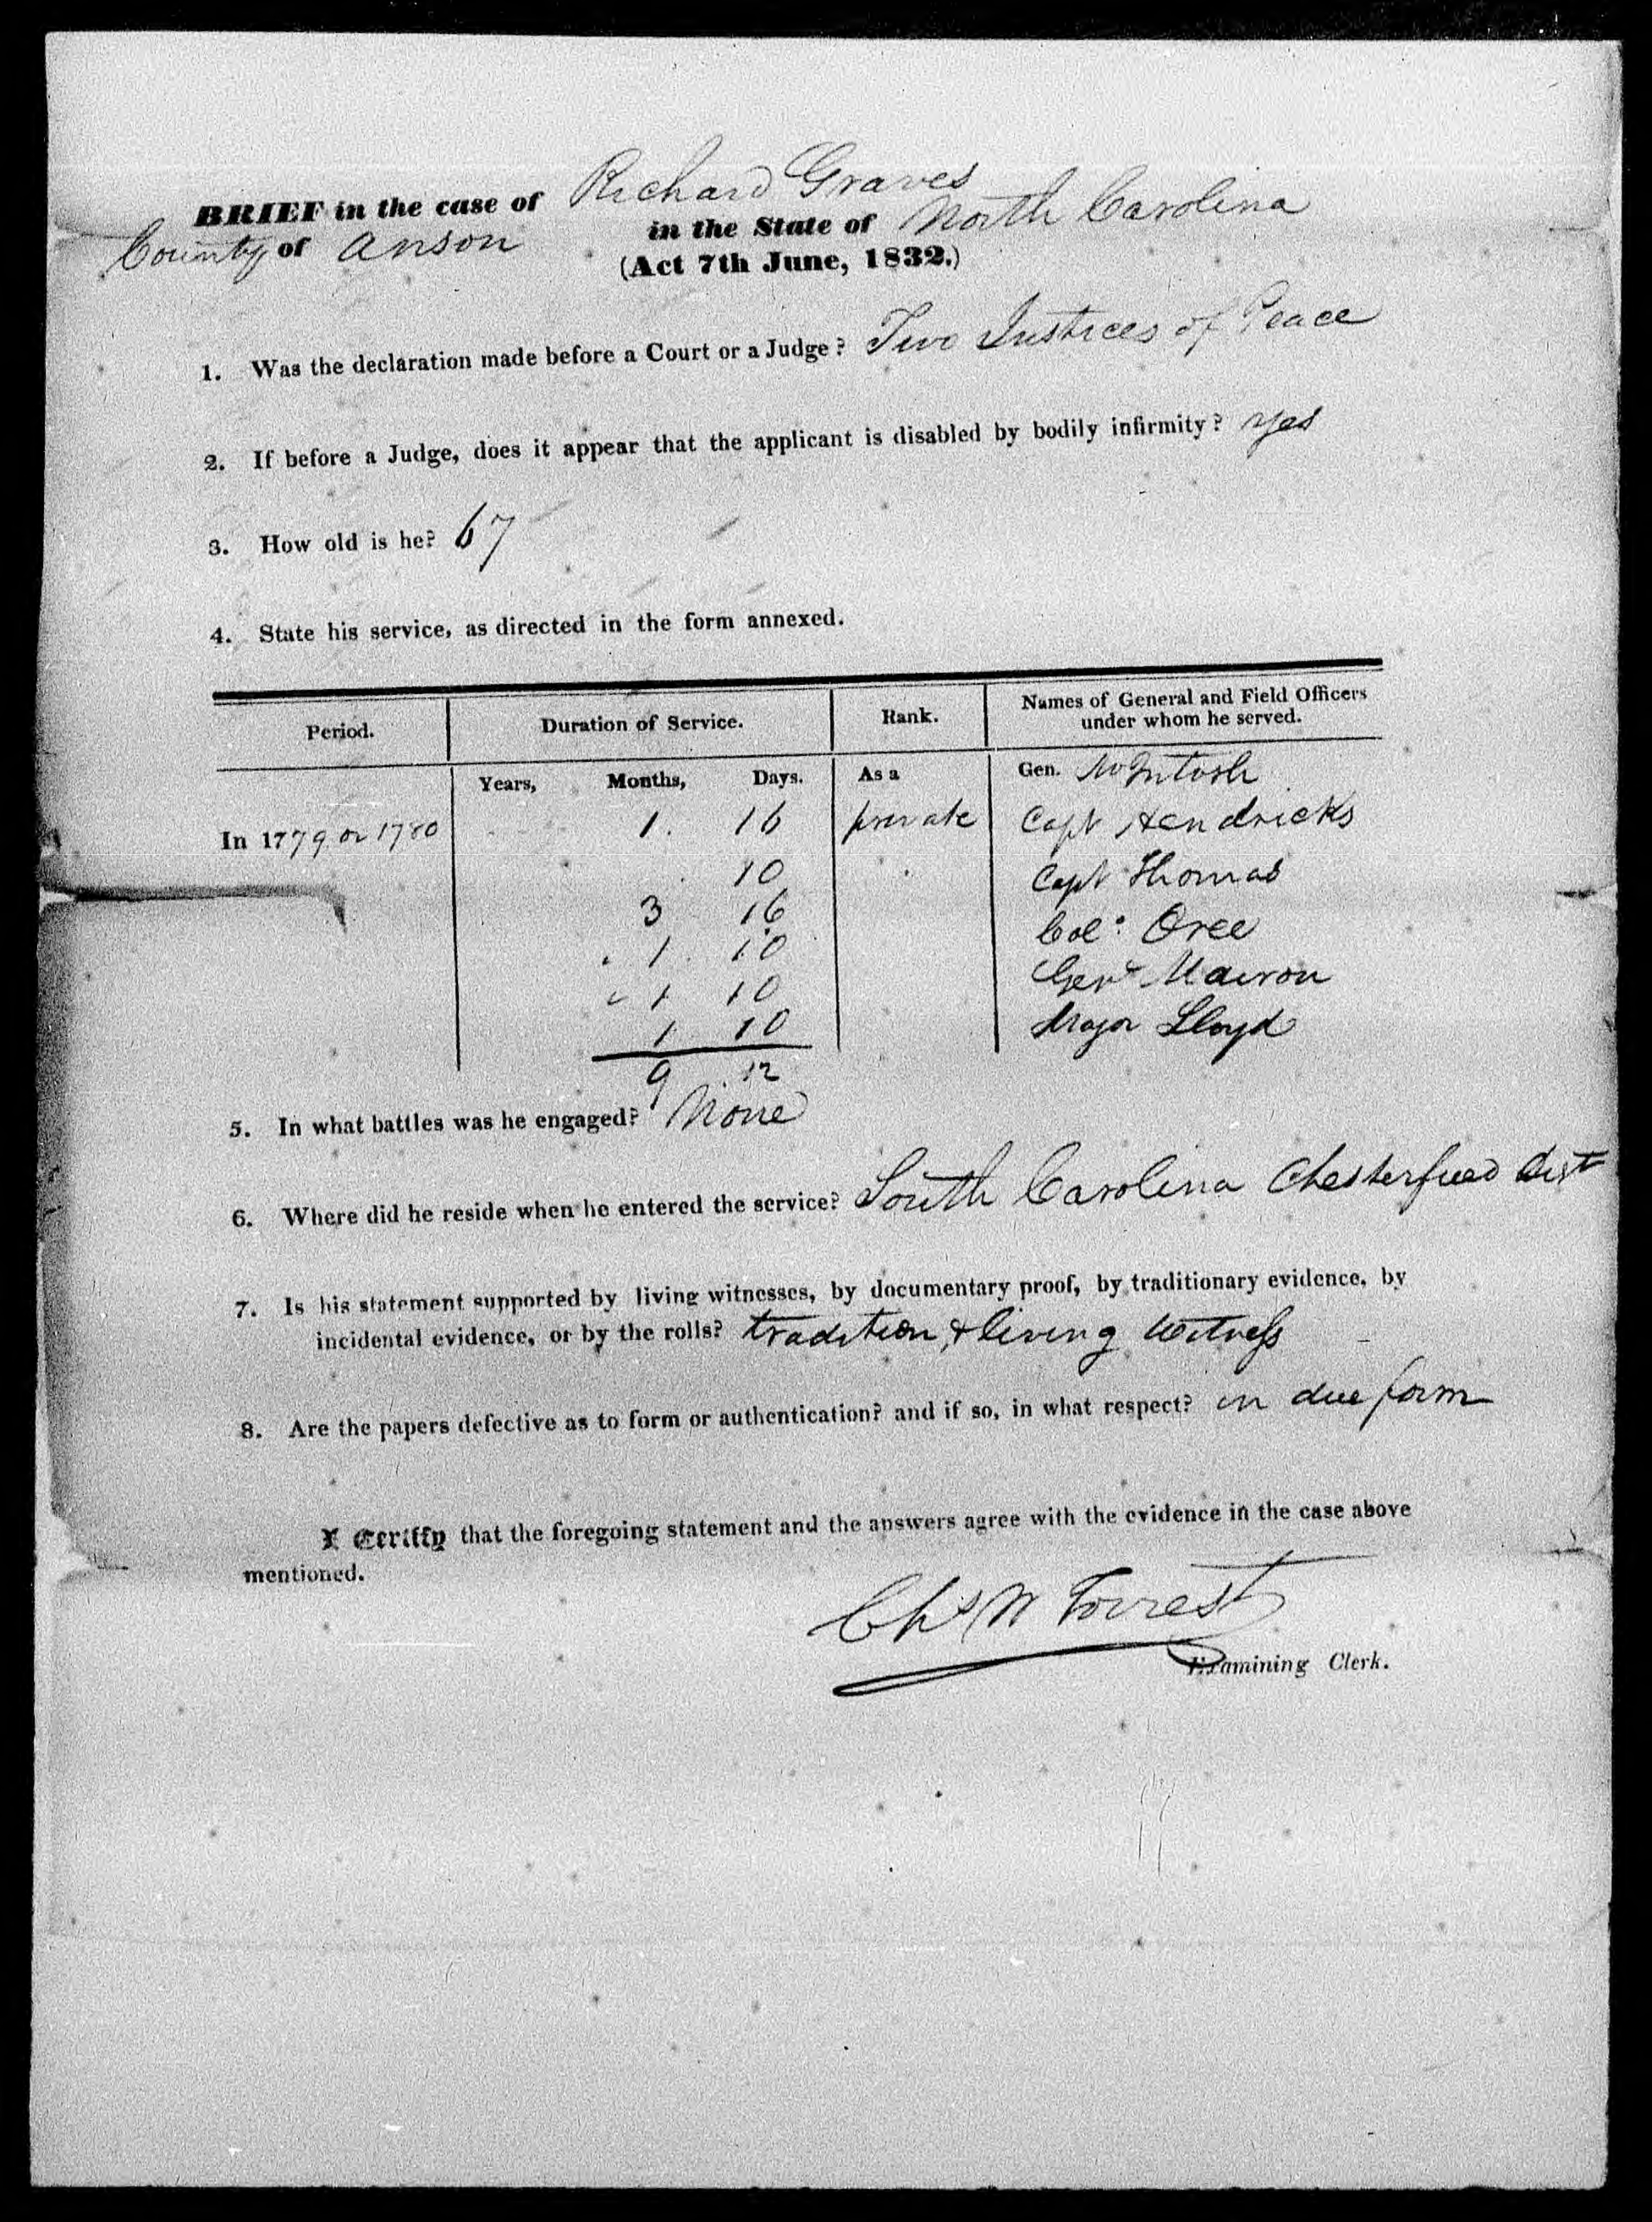Brief in the case of Richard Graves
County of Anson in the State of North Carolina
(Act 7th June, 1832)

1. Was the declaration made before a Court or a Judge?  Two Justices of Peace

2. If before a Judge, does it appear that the applicant is disabled by bodily infirmity?  Yes

3. How old is he?  67

4. State his service, as directed in the form annexed.
Period.
In 1779 or 1780

Duration of Service
Years,
Months,
1

3
1
1
1
9
Days.
16
10
16
10
10
10
62

Rank.  As a
Private

Names of General and Field Officers under whom he served.
Gen. McIntosh
Capt Hendricks
Capt. Thomas
Col. Oree
Genl Marion
Major Lloyd

5.  In what battles was he engaged?  
None 

6.  Where did he reside when he entered the service? 
South Carolina Chesterfield Dist

7. Is his statement supported by living witnesses, by documentary proof, by traditionary evidence, by incidental evidence, or by the rolls?
Tradition & living witness

8. Are the papers defective as to form or authentication?  and if so, in what respect?  
in due form

I certify that the foregoing statement and the answers agree with the evidence in the case above mentioned.
Chs W  Forrest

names: Thomas, Mairon, Lloyd, Oree, Hendricks, Chs W Forrest, Richard Graves, Mc Intosh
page: 9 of 15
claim: survivor's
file: S. 8598, Richard Graves, S.C.